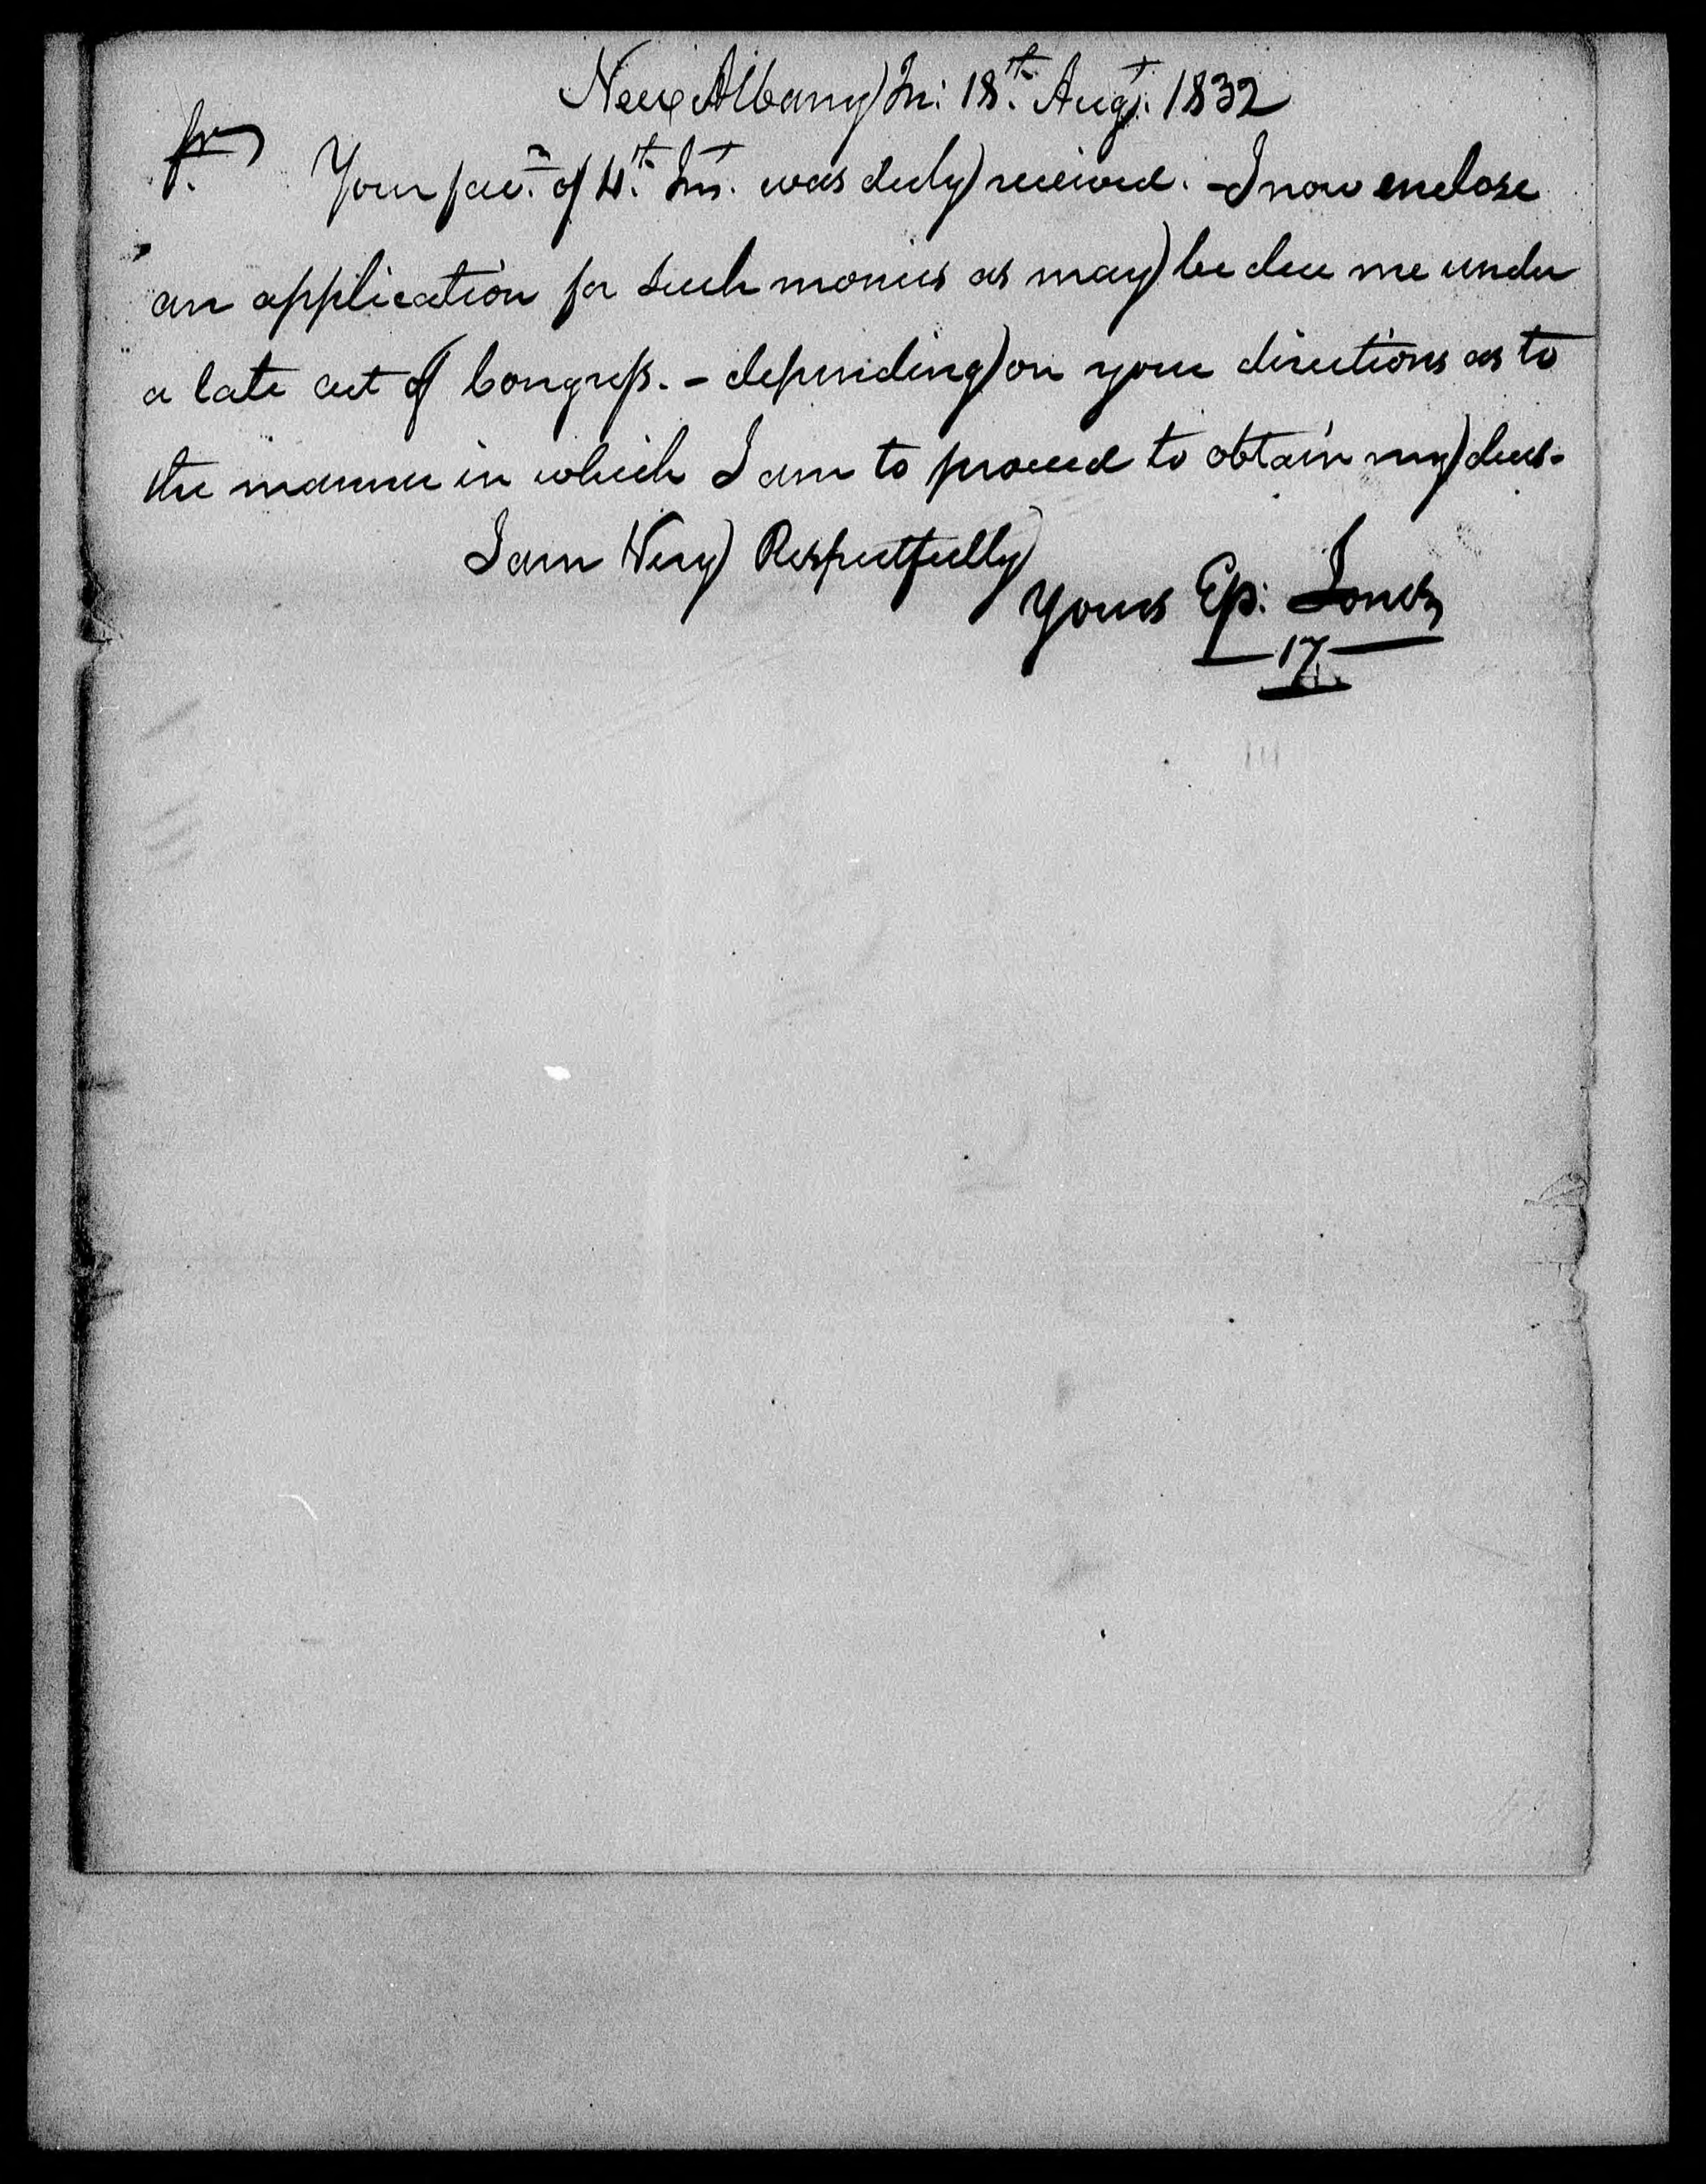New Albany In: 18th Augt 1832

Sir
        Your [   ] of 4th last was duly received. I now enclosed an application for such monies as may be due me under a late act of Congress.  Depending on your directions as to the manner in which I am to proceed to obtain my dues.

I am Very Respectfully Yours
Ep. Jones
--17--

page: 17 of 17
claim: survivor's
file: S. 16889, for Epaphras Jones, Connecticut